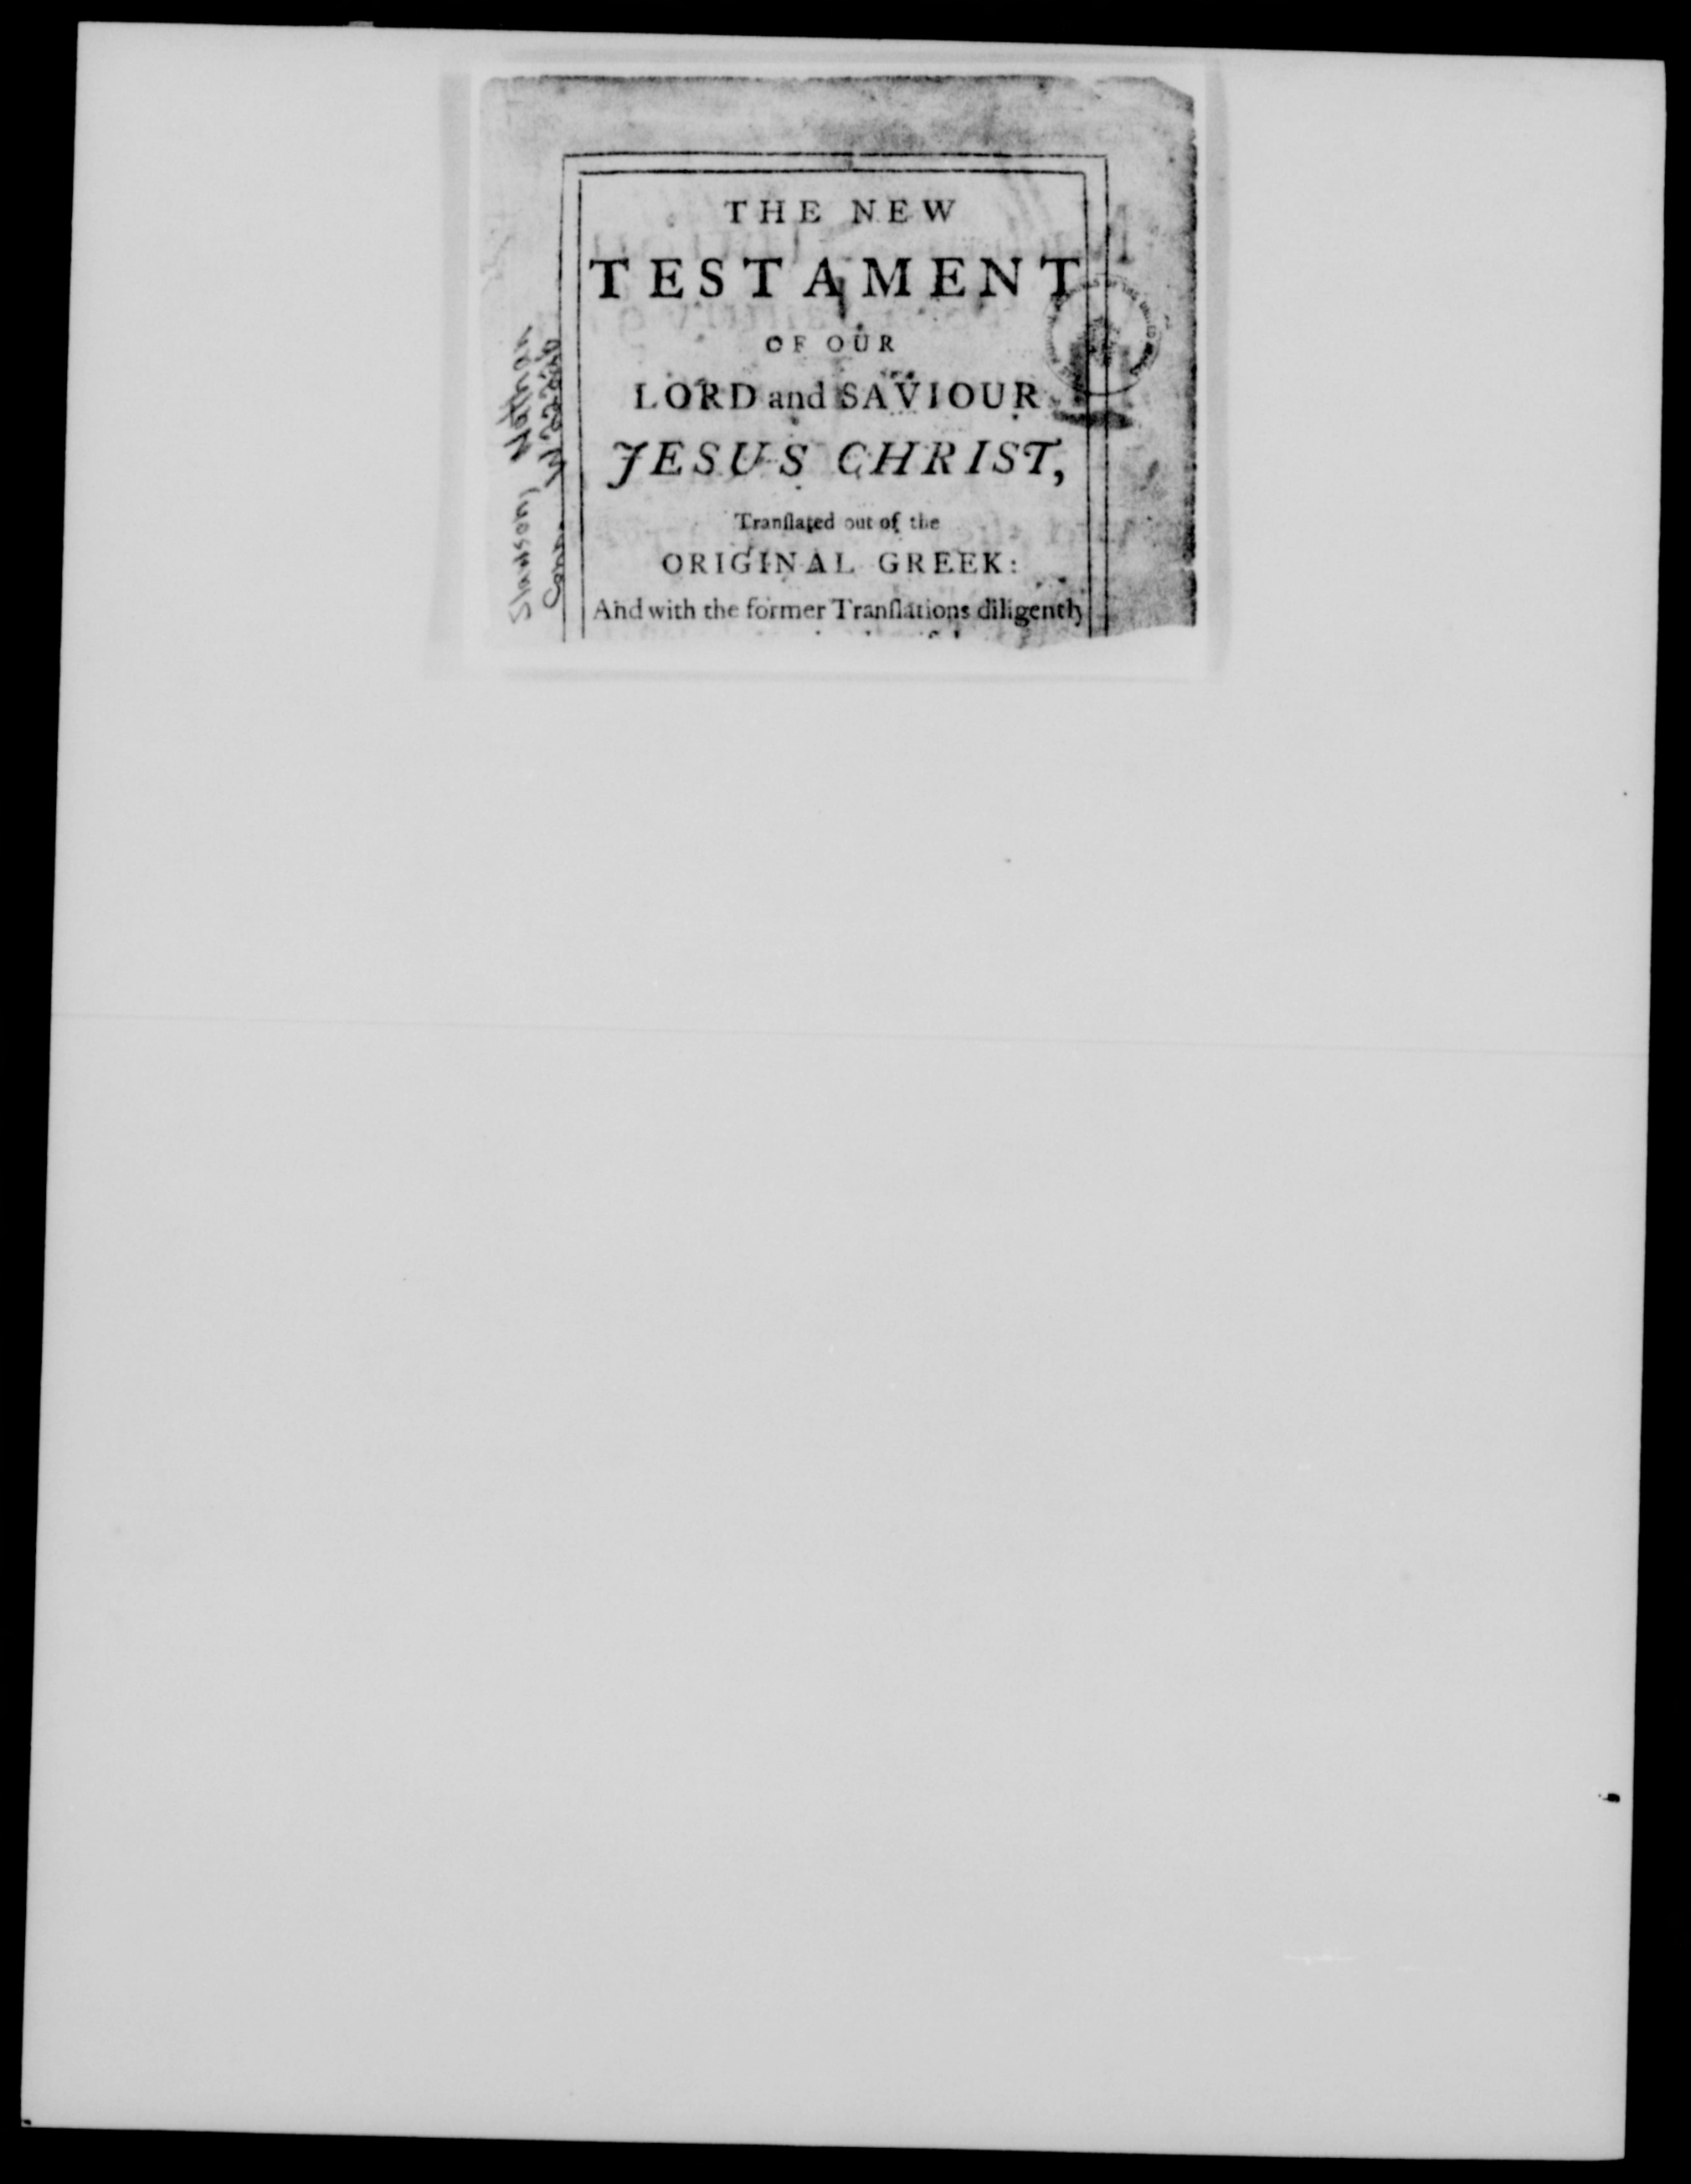Slawson, Nathan
Conn. W. 22226
THE NEW TESTAMENT OF OUR LORD and SAVIOR JESUS CHRIST
Translated out of the ORIGINAL GREEK and wit the former Translations diligently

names: Nathan Slawson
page: 13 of 87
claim: widow's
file: W. 22,226, for Nathan Slawson, Connecticut